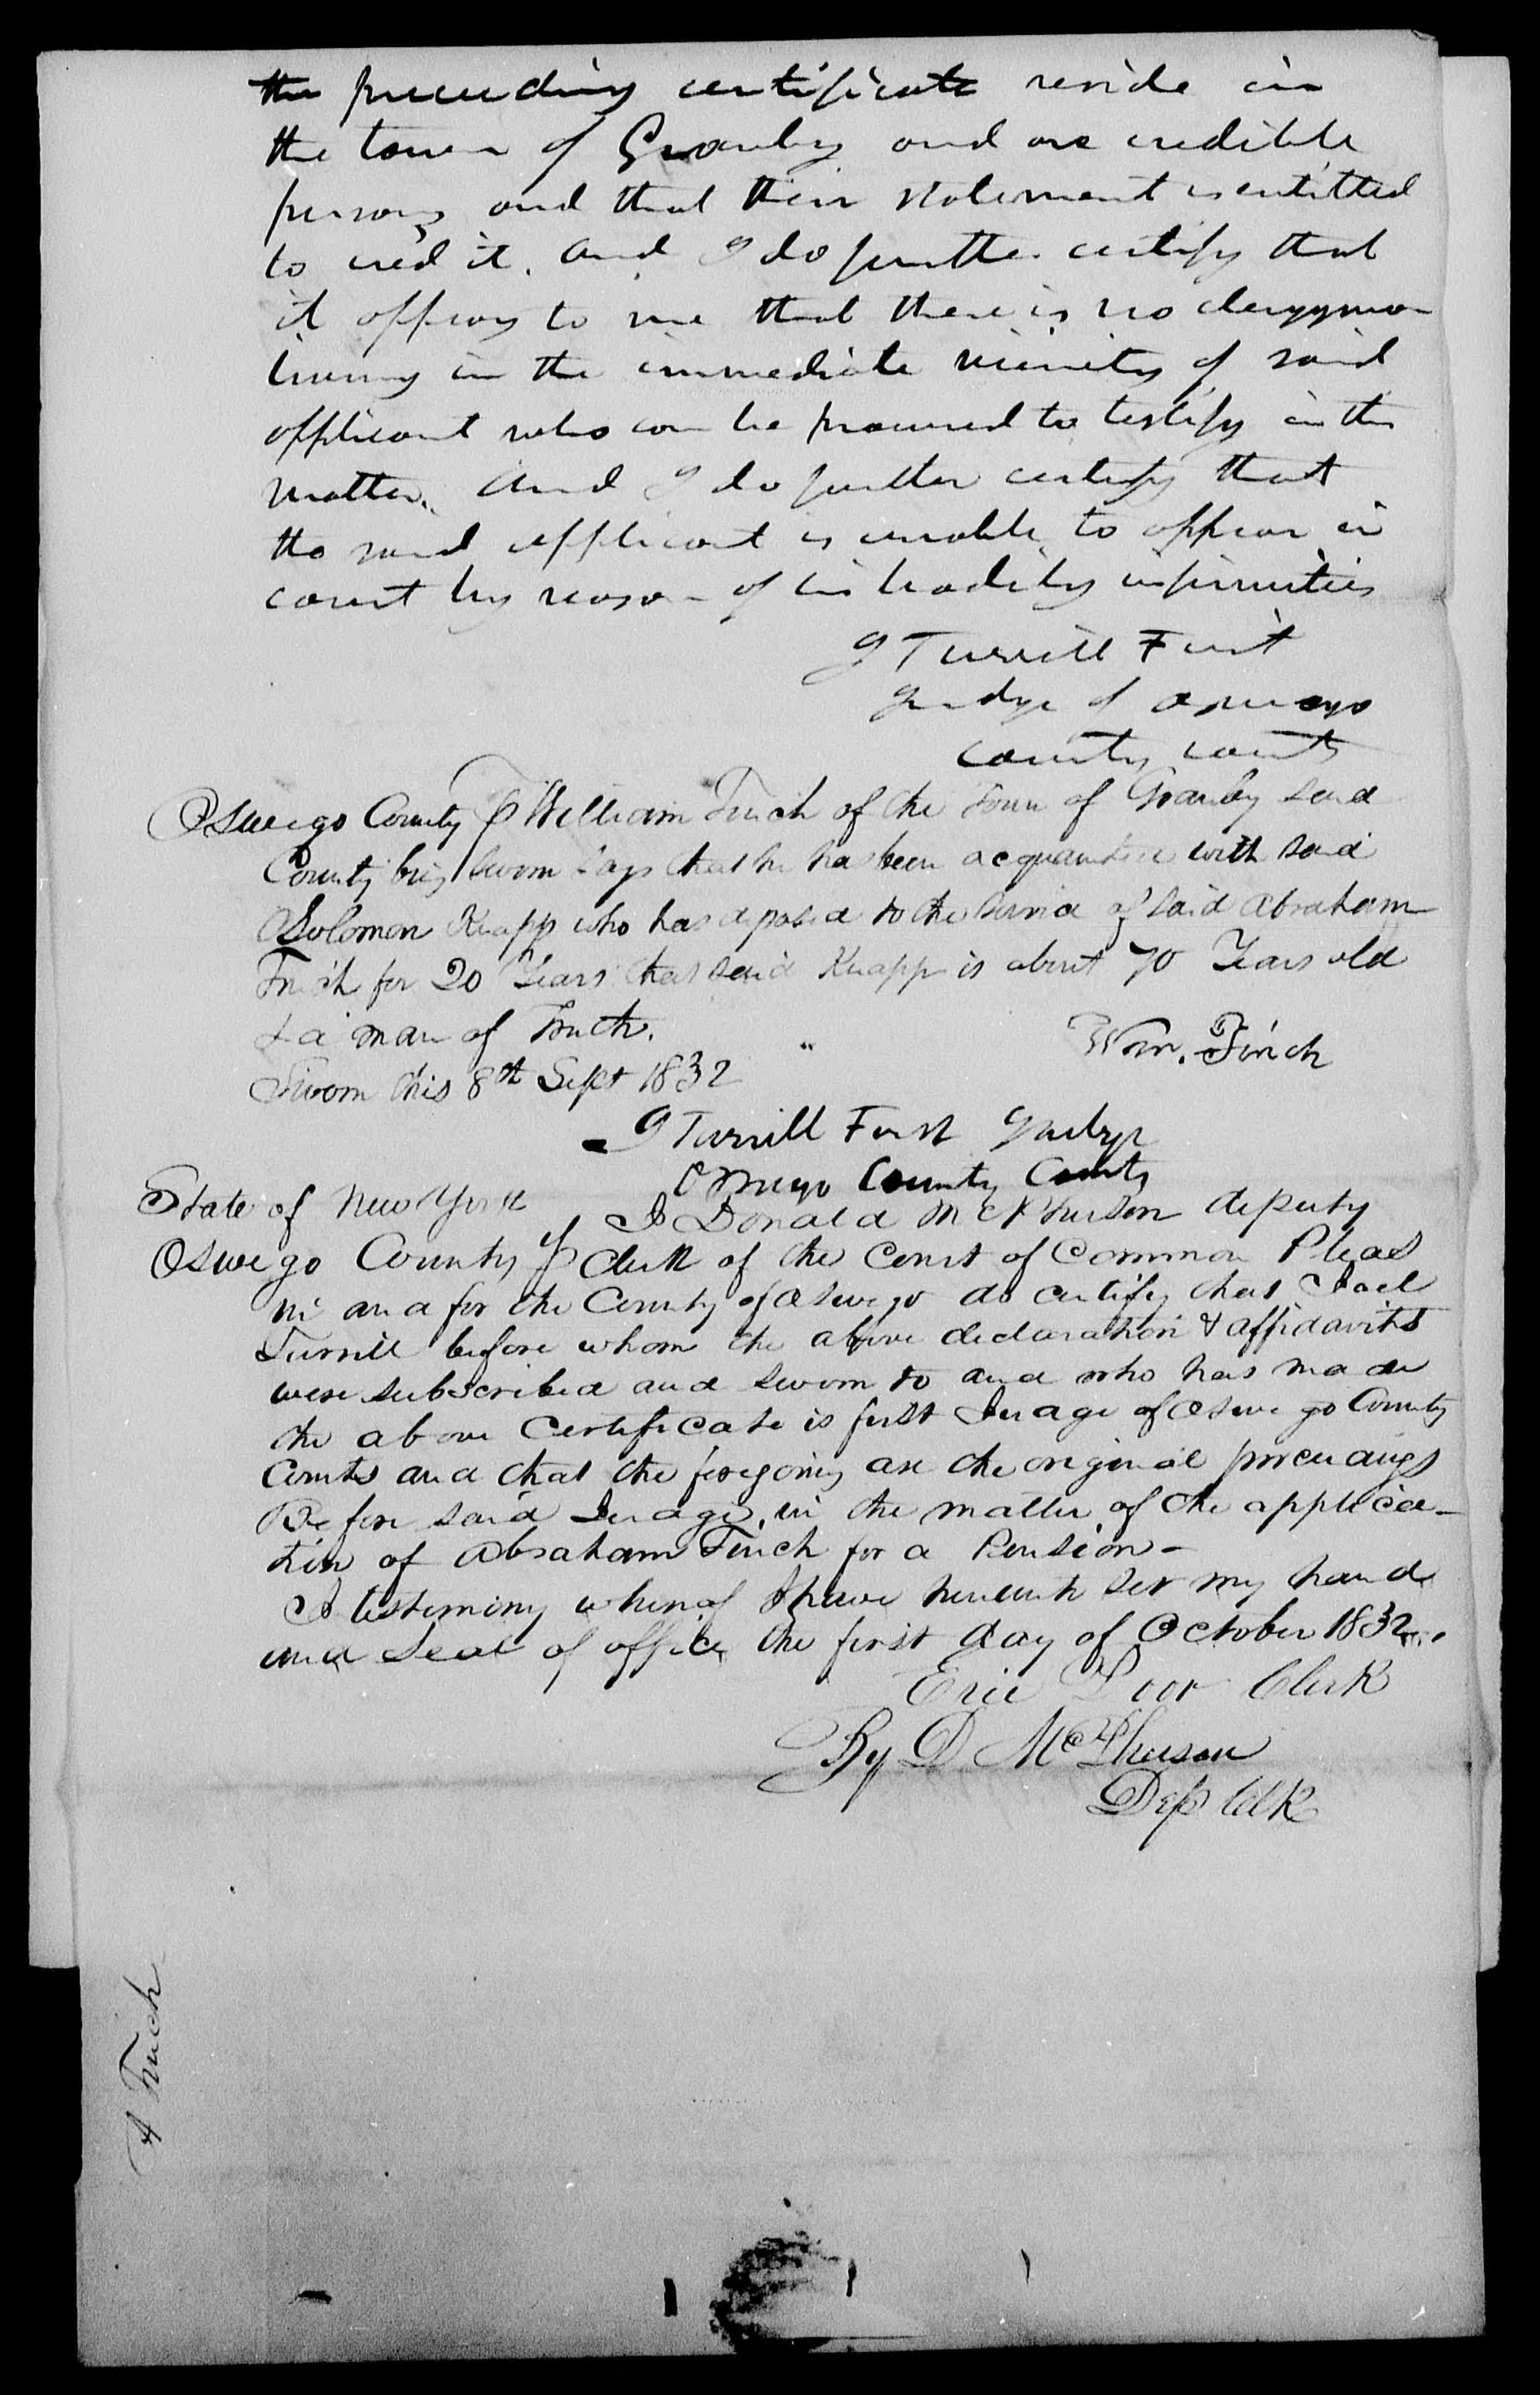the preceeding certificate reside in
the town of Granby and are credible
persons and that their statement is entitled
to credit. And I do further certify that
it appears to me that there is no clergyman
being in the immediate vicinity of said
applicant who can be procured to testify in this
matter. And I do further certify that the
said applicant is unable to appear in
court his reason of his bodily infirmities
J Turrill First
Judge of Oswego
County Court

Oswego County SS
William Finch of the Town of Granby [illegible]
County being sworn says that he has been acquainted with said
Solomon Knapp who has deposed to the service of said Abraham
Finch for 20 years: that said Knapp is about
70 years old
a man of truth.
Sworn this 8th Sept 1832
Wm. Finch

J. Turrill First Judge
Oswego County Courts

State of New York
Oswego County SS
I Donald McPherson deputy Clerk of the Court of Common Pleas in
and for the County of Oswego do certify that Joel
Turrill before whom the above declaration & affidavits
were  subscribed and sworn to and who has made
the above certificate is first Judge of Oswego County
Courts, and that the foregoing are the original proceedings
Before said Judge, in the matter of the application of Abraham Finch for a pension
In testimony whereof I have hereunto set my hand
and seal of office the first day of October 1832
Eric Poor Clerk
By D McPherson
Dep Clk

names: J Turrill, D Mc Pherson, Solomon Knapp, Joel Turrill, Wm Finch, Knapp, Abraham Finch, Donald Mc Pherson, J Turrill, Eric Poor, Abraham Finch, William Finch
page: 7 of 35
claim: survivor's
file: S. 28727, Abraham Finch, Conn.